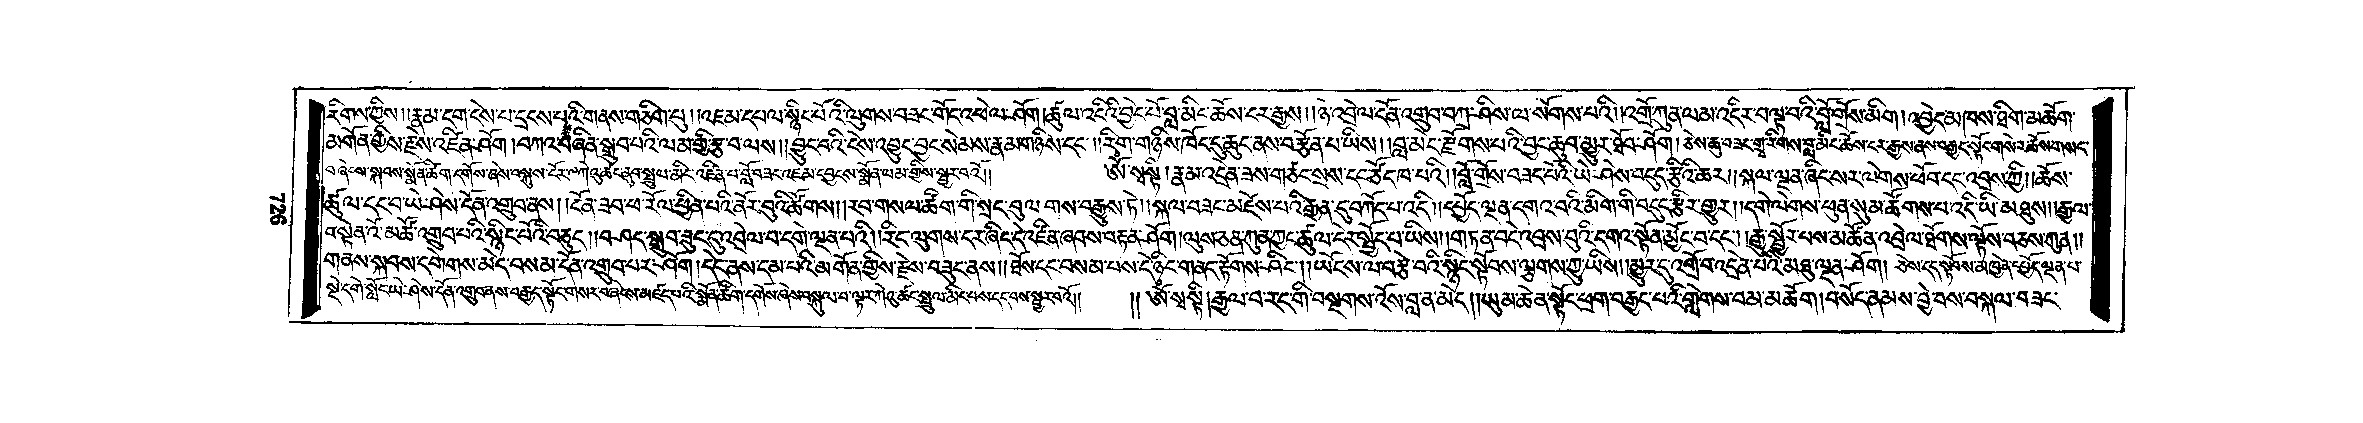རིགས་ཀྱིས། །རྣམ་དག་ངེས་པ་དྲངས་པའི་གནས་གཅིག་པུ། །འཇམ་དཔལ་སྙིང་པོའི་ལུགས་བཟང་གོང་འཕེལ་ཤོག །ཚུལ་འདིའི་བྱེད་པོ་བླ་མིང་ཆོས་དར་རྒྱས། །ཉེ་འབྲེལ་དོན་འགྲུབ་བཀྲ་ཤིས་ལ་སོགས་པའི། །འགྲོ་ཀུན་ལམ་འདིར་བལྟ་བའི་བློ་གྲོས་མིག །འབྱེད་མཁས་ཐིག་མཆོག་
མགོན་གྱིས་རྗེས་འཛིན་ཤོག །བཀའ་བཞིན་སྒྲུབ་པའི་ལམ་གྱི་རྩ་བ་ལས། །བྱུང་བའི་ངེས་འབྱུང་བྱང་སེམས་རྣམ་གཉིས་དང་། །རིག་གཉིས་ཁོང་དུ་ཆུང་ནས་བརྩོན་པ་ཡིས། །བླ་མེད་རྫོགས་པའི་བྱང་ཆུབ་མྱུར་ཐོབ་ཤོག །ཅེས་ཆུ་བཟང་གྲྭ་རིགས་བླ་མིང་ཆོས་དར་རྒྱས་ནས་བརྒྱད་སྟོང་གསེར་ཆོས་གསང་
བཞེངས་སྐབས་སྨོན་ཚིག་དགོས་ཞེས་བསྐུས་ངོར་ཀེའུ་ཚང་ནུབ་སྤྲུལ་མིང་འཛིན་པ་བློ་བཟང་འཇམ་དབྱངས་སྨོན་ལམ་གྱིས་སྦྱར་བའོ།། །།༈ ཨོཾ་སྭ་སྟི། རྣམ་འདྲེན་ཟས་གཙང་སྲས་དང་རྩོང་ཁ་པའི། །བློ་གྲོས་བཟང་པོའི་ཡེ་ཤེས་བདུད་རྩིའི་ཆར། །སྐལ་ལྡན་ཞིང་སར་ལེགས་ཕོབ་དང་འབྲས་ཀྱི། །ཆོས་
ཚུལ་དང་བ་ཡེ་ཤེས་དོན་འགྲུབ་ནས། །དོན་ཟབ་ཕ་རོལ་ཕྱིན་པའི་ནོར་བུའི་ཚོགས། །རབ་གསལ་ཚིག་གི་སྲང་བུ་ལགས་བརྒྱུས་ཏེ། །སྐལ་བཟང་མཛེས་པའི་རྒྱན་དུ་བཀོད་པ་འདི། །དཔྱོད་ལྡན་དགའ་བའི་མིག་གི་བདུད་རྩིར་གྱུར། །དགེ་ལེགས་ཕུན་སུམ་ཚོགས་པ་འདི་ཡི་མཐུས། །རྒྱལ་
བསྟེན་འོ་མཚོ་འགྲུབ་པའི་སྙིང་པོའི་བཅུད། །བཤད་སྒྲུབ་ཟུང་དུ་འབྲེལ་བ་དགེ་ལྡན་པའི། །རིང་ལུགས་དར་ཞིང་དེ་འཛིན་ཞབས་བརྟན་ཤོག །ལུས་ཅན་ཀུན་ཀྱང་ཚུལ་དེར་སྤྱོད་པ་ཡིས། །གཏན་བདེ་འབྲས་བུའི་དགའ་སྟོན་མྱོང་བ་དང་། །རྒྱུ་སྦྱོར་བས་མཚོན་འབྲེལ་ཐོགས་ལྟོས་བཅས་ཀུན། །
གནས་སྐབས་དགེགས་མེད་བསམ་དོན་འགྲུབ་པར་ཤོག །དེང་ནས་དམ་པའི་མགོན་གྱིས་རྗེས་བཟུང་ནས། །ཐོས་དང་བསམ་པས་དེ་ཉིད་གནད་རྟོགས་ཤིང་། །ཡོངས་ལ་བརྩེ་བའི་སྙིང་སྟོབས་ལྕགས་ཀྱུ་ཡིས། །མྱུར་དུ་འགྲོ་བ་འདྲེན་པའི་མཐུ་ལྡན་ཤོག །ཅེས་དད་སྟོབས་མཁྱེན་དཔྱོད་ལྡན་པ་
སྡེ་དགེ་སློང་ཡེ་ཤེས་དོན་འགྲུབ་ནས་བརྒྱད་སྟོང་གསར་བཞེངས་མཛད་པའི་སྨོན་ཚིག་དགོས་ཞེས་བསྐུལ་བ་ལྟར་ཀེའུ་ཚང་སྤྲུལ་མིང་བས་དད་པས་སྦྱར་བའོ། །ཨོཾ་སྭ་སྟི། རྒྱལ་བ་རང་གི་བསྔགས་འོས་བླ་ན་མེད། །ཡུམ་ཆེན་སྟོང་ཕྲག་བརྒྱད་པའི་གླེགས་བམ་མཆོག །བསོད་ནམས་བྱེ་བས་བསྐལ་བཟང་